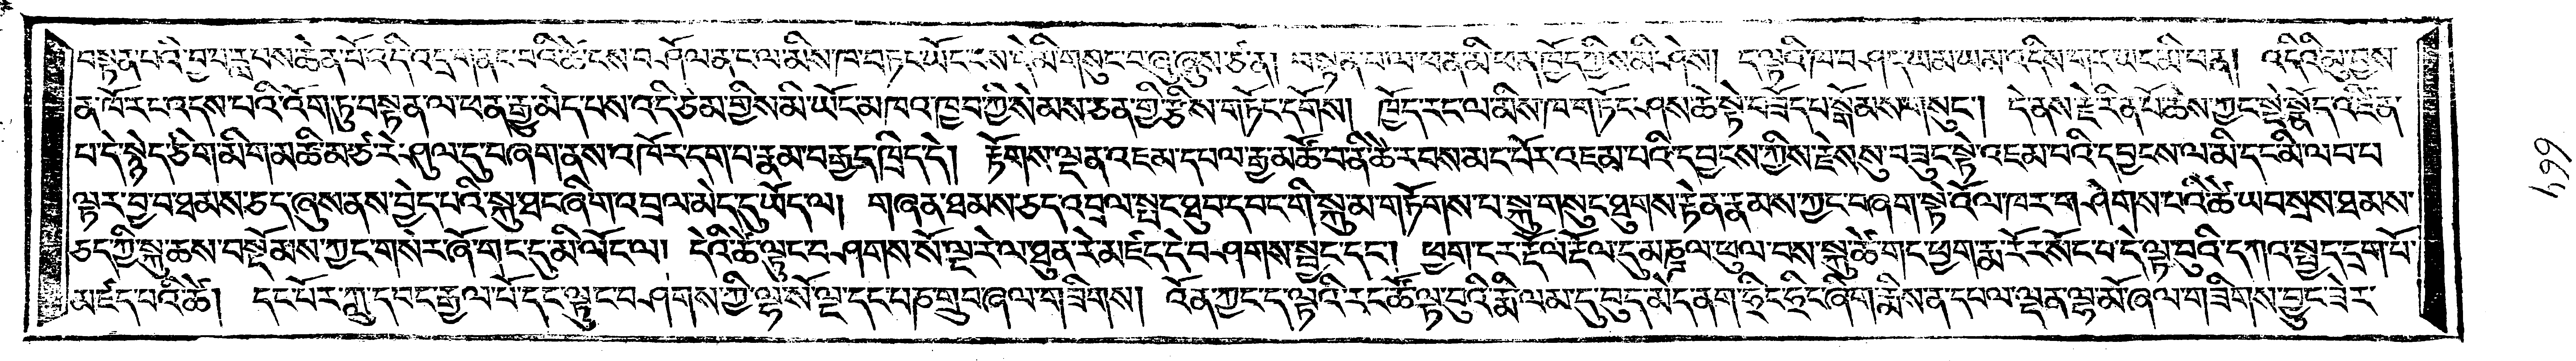བསྟན་པའི་བྱ་བ་རླབས་ཆེན་པོ་འདི་འདྲ་གནང་བའི་ཚོངས་བཤོལ་ན་ང་ལ་མིས་ཁེ་བཏང་ཡོང་ངས་དེ་མི་གསུང་བ་ཞུ་ཞུས་ཙ་ན། བསྟན་པ་ལ་ཕན་མི་ཕན་ཁྱོད་ཀྱིས་མི་ཤེས། ད་ལྟའི་ཁ་བཤད་ཡམ་ཡམ་འདིས་གར་ཡང་མི་ཕན། འདིའི་མུ་བྱས་
ན་ཁོ་རང་འདས་པའི་འོག་ཏུ་བསྟན་ལ་ཕན་རྒྱུ་མེད་པས་འདི་ཙམ་གྱིས་མི་ཡོང་མཁའ་ཁྱབ་ཀྱི་སེམས་ཅན་གྱི་རྩིས་གཏོང་དགོས། ཁྱོད་རང་ལ་མིས་ཁ་གཏོང་ཤས་ཆེ་སྟེ་བཟོད་པ་སྒོམས་གསུང་། དེ་ནས་རྗེ་རིན་པོ་ཆེས་ཀྱང་སྔེ་སྣོད་འཛིན་
པ་དེ་སྙེད་ཅིག་མིག་མཆི་མ་ཙ་རེ་ཤུལ་དུ་བཞག་ནས་འཁྱོར་དག་པ་རྣམ་བརྒྱད་ཁྲིད་དེ། རྟོགས་ལྡན་འཇམ་དཔལ་རྒྱ་མཚོ་བ་ནི་ཚེ་རབས་མང་པོར་འཇམ་པའི་དབྱངས་ཀྱིས་རྗེས་སུ་བཟུང་སྟེ་འཇམ་པའི་དབྱངས་ལ་མི་དང་མི་ལབ་པ་
ལྟར་བྱ་བ་ཐམས་ཅད་ཞུས་ནས་བྱེད་པའི་སྐུ་ཐང་ཞིག་འབྲལ་མེད་དུ་ཡོད་ལ། གཞན་ཐམས་ཅད་འབྲལ་སྤང་ཐུབ་དབང་གི་སྐུ་མ་གཏོགས་པ་སྐུ་གསུང་ཐུགས་རྟེན་རྣམས་ཀྱང་བཞག་སྟེ་འོལ་ཁར་གཤེགས་པའི་ཚེ་ཡབ་སྲས་ཐམས་
ཅད་ཀྱི་སྐུ་ཆས་བསྔོམས་ཀྱང་གསེར་ཞོ་གང་དུ་མི་ལོང་ལ། དེའི་ཚེ་ལྷུང་བཤགས་སོ་ལྔ་རེ་ལ་ཐུན་རེ་མཛད་དེ་བཤགས་སྦྱང་དང་། ཕྱག་དང་རྡོལ་རྡོལ་དུ་མཎྚལ་ཕུལ་བས་སྐུ་ཚེ་གང་ཕྱག་རྨ་རོར་སོང་བ་དེ་ལྟ་བུའི་དཀའ་སྤྱད་དྲག་པོ་
མཛད་པའི་ཚེ། དང་པོར་ཀླུ་དབང་རྒྱལ་པོ་དང་ལྟུང་བཤགས་ཀྱི་ལྷ་སོ་ལྔ་དང་པཎ་གྲུབ་ཞལ་གཟིགས། འོན་ཀྱང་ད་ལྟའི་རང་ཚོ་ལྟ་བུའི་རྨི་ལམ་དུ་བུད་མེད་ནག་ཧྲིང་ཧྲིང་ཞིག་རྨིས་ན་དཔལ་ལྡན་ལྷ་མོ་ཞལ་གཟིགས་བྱུང་ཟེར་